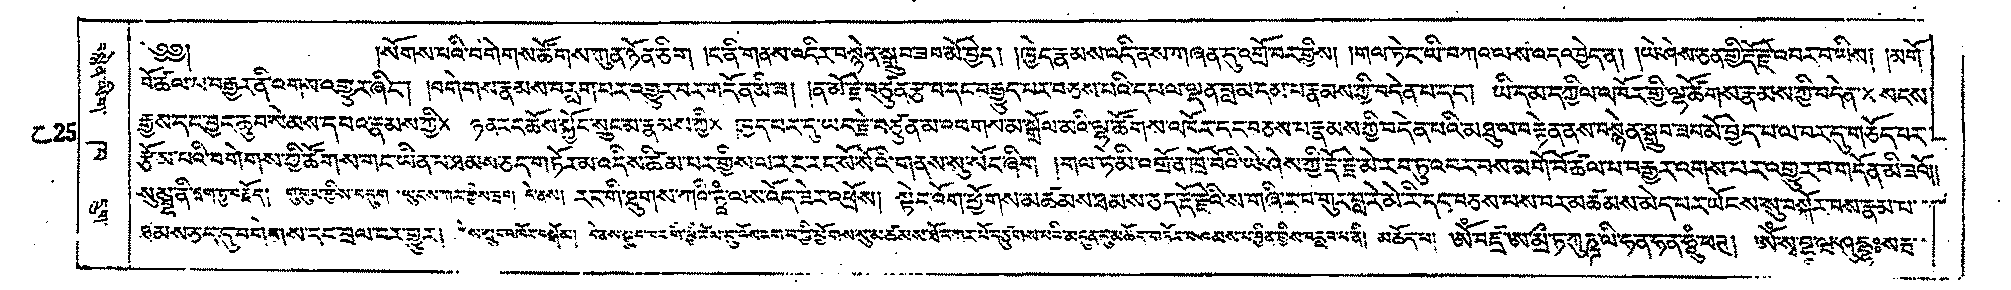༄༅། །སོགས་པའི་བགེགས་ཚོགས་ཀུན་ཉོན་ཅིག །ང་ནི་གནས་འདིར་བསྙེན་སྒྲུབ་ཟབ་མོ་བྱེད། །ཁྱེད་རྣམས་འདི་ནས་གཞན་དུ་འགྲོ་བར་གྱིས། །གལ་ཏེ་ང་ཡི་བཀའ་ལས་འདའ་བྱེད་ན། །ཡེ་ཤེས་ཅན་གྱི་རྡོ་རྗེ་འབར་བ་ཡིས། །མགོ་
བོ་ཚལ་པ་བརྒྱར་ནི་འགས་འགྱུར་ཞིང་། །བགེགས་རྣམས་བརླག་པར་འགྱུར་བར་གདོན་མི་ཟ། །ན་མོ་རྗེ་བཙུན་རྩ་བ་དང་བརྒྱུད་པར་བཅས་པའི་དཔལ་ལྡན་བླ་མ་དམ་པ་རྣམས་ཀྱི་བདེན་པ་དང་། ཡི་དམ་དཀྱིལ་འཁོར་གྱི་ལྷ་ཚོགས་རྣམས་ཀྱི་བདེན་྾་སངས་
རྒྱས་དང་བྱང་ཆུབ་སེམས་དཔའ་རྣམས་ཀྱི་྾་ཉན་རང་ཆོས་སྐྱོང་སྲུང་མ་རྣམས་ཀྱི་྾་ཁྱད་པར་དུ་ཡང་རྗེ་བཙུན་མ་འཕགས་མ་སྒྲོལ་མའི་ལྷ་ཚོགས་འཁོར་དང་བཅས་པ་རྣམས་ཀྱི་བདེན་པའི་མཐུ་ལ་བརྟེན་ནས་བསྙེན་སྒྲུབ་ཟབ་མོ་བྱེད་པ་ལ་བར་དུ་གཅོད་པར་
རྩོམ་པའི་བགེགས་ཀྱི་ཚོགས་གང་ཡིན་པ་ཐམས་ཅད་གཏོར་མ་འདིས་ཚིམ་པར་གྱིས་ལ་རང་རང་སོ་སོའི་གནས་སུ་སོང་ཞིག །གལ་ཏེ་མི་འགྲོ་ན་ཁོར་བོའི་ཡེ་ཤེས་ཀྱི་རྡོ་རྗེ་མེ་རབ་ཏུ་འབར་བས་མགོ་བོ་ཚལ་པ་བརྒྱར་འགས་པར་འགྱུར་བ་གདོན་མི་ཟའོ།།
སུམྦྷ་ནི་དྲག་ཏུ་བརྗོད། གུ་གུལ་གྱིས་བདུག །ཡུངས་ཀར་གྱིས་བྲབ། དེ་ནས།  རང་གི་ཐུགས་ཀའི་ཏཱཾ་ལས་འོད་ཟེར་འཕྲོས། སྟེང་འོག་ཕྱོགས་མཚམས་ཐམས་ཅད་རྡོ་རྗེའི་ས་གཞི་ར་བ་གུར་བླ་རེ་མེ་རི་དང་བཅས་པས་བར་མཚམས་མེད་པར་ཡོངས་སུ་བསྐོར་བས་རྣམ་པ་་་
ཐམས་ཅད་དུ་བགེགས་དང་བྲལ་བར་གྱུར། ཅེས་སྲུང་འཁོར་བསྒོམ། དེ་ནས་སྒྲུབ་ཁང་གི་ཕྱི་རོལ་དུ་འོས་འགབ་ཀྱི་ཕྱོགས་སུ་མཚམས་ཐོ་དཀར་པོ་བཙུགས་པའི་མདུན་དུ་མཆོད་གཏོར་བཤམས་པ་བྱིན་གྱིས་བརླབ་པ་ནི། མཆོད་པ།  ཨོཾ་བརྫྲ་ཨ་མྲྀ་ཏ་ཀུཎྜ་ལི་ཧ་ན་ཧ་ན་ཧཱུཾ་ཕཊ། ཨོཾ་སྭ་བྷཱ་ཝ་ཤུདྡྷཿསརྦ་་་